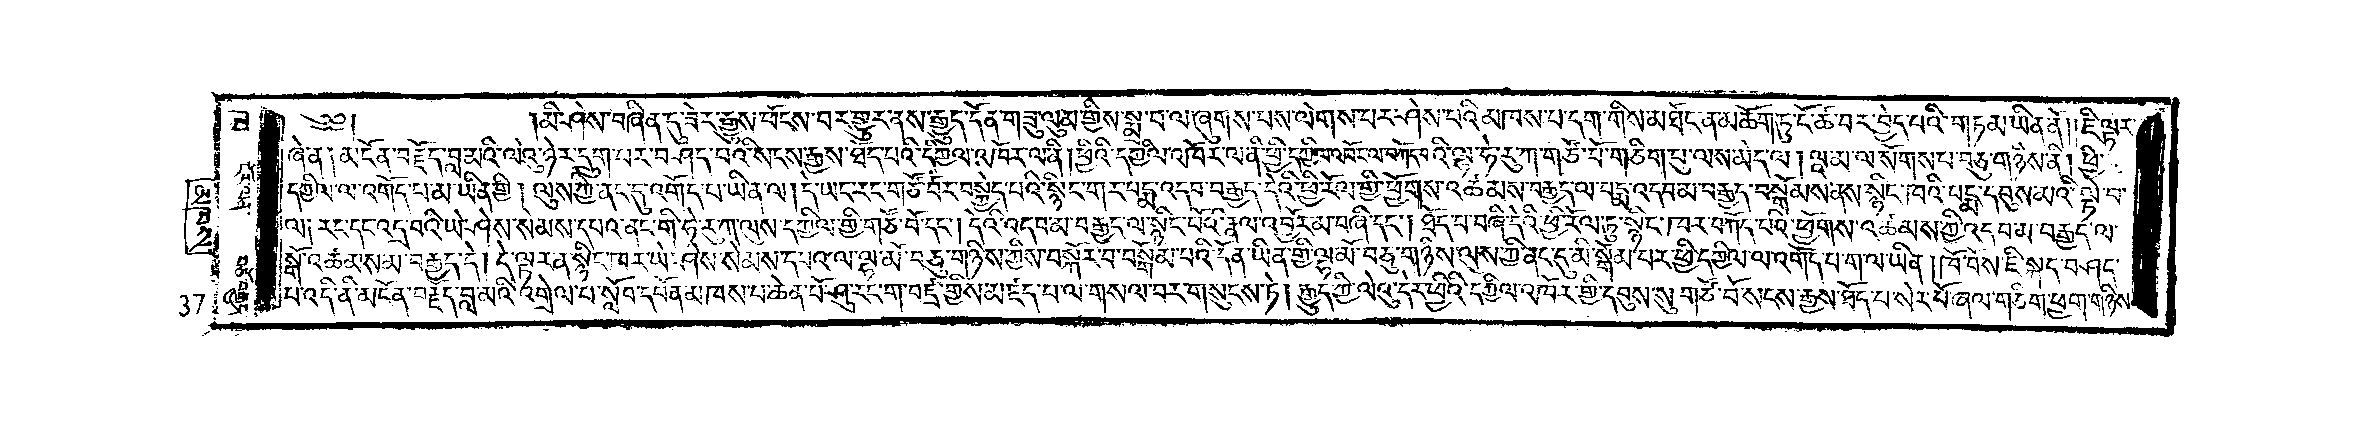༄༅། །མི་ཤེས་བཞིན་དུ་ཟེར་རྒྱུས་ཕོངས་པར་གྱུར་ནས་རྒྱུད་དོན་གཟུ་ལུམ་གྱིས་སྨྲ་བ་ལ་ཞུགས་པས་ལེགས་པར་ཤེས་པའི་མཁས་པ་དག་གིས་མཐོང་ན་མཆོག་ཏུ་ངོ་ཚ་བར་བྱེད་པའི་གཏམ་ཡིན་ནོ། །ཇི་ལྟར་
ཞེ་ན། མངོན་བརྗོད་བླ་མའི་ལེའུ་ཉེར་དྲུག་པར་བཤད་པའི་སངས་རྒྱས་ཐོད་པའི་དཀྱིལ་འཁོར་ལ་ནི། ཕྱིའི་དཀྱིལ་འཁོར་ལ་ནི་ཕྱི་དཀྱིལ་འཁོར་ལ་བཀོད་པའི་ལྷ་ཧེ་རུ་ཀ་གཙོ་བོ་གཅིག་པུ་ལས་མེད་ལ། ལཱ་མ་ལ་སོགས་པ་བཅུ་གཉིས་ནི། ཕྱི་
དཀྱིལ་ལ་འགོད་པ་མ་ཡིན་གྱི། ལུས་ཀྱི་ནང་དུ་འགོད་པ་ཡིན་ལ། དེ་ཡང་རང་གཙོ་བོར་བསྐྱེད་པའི་སྙིང་གར་པདམ་འདབ་བརྒྱད་དེའི་ཕྱིར་རོལ་གྱི་ཕྱོགས་འཚམས་བརྒྱད་ལ་པདམ་འདབ་བརྒྱད་བསྒོམས་ནས་སྙིང་ཁའི་པདམ་དབུས་མའི་ལྟེ་བ་
ལ། རང་དང་འདྲ་བའི་ཡེ་ཤེས་སེམས་དཔའ་ནང་གི་ཧེ་རུ་ཀ་ལུས་དཀྱིལ་གྱི་གཙོ་བོ་དང་། དེའི་འདབ་མ་བརྒྱད་ལ་སྙིང་པོའི་རྣལ་འབྱོར་མ་བཞི་དང་། ཐོད་པ་བཞི་དེའི་ཕྱི་རོལ་ཏུ་སྙིང་ཁར་བཀོད་པའི་ཕྱོགས་འཚམས་ཀྱི་འདབ་མ་བརྒྱད་ལ་
སྒོ་འཚམས་མ་བརྒྱད་དེ། དེ་ལྟར་ན་སྙིང་ཁར་ཡེ་ཤེས་སེམས་དཔའ་ལ་ལྷ་མོ་བཅུ་གཉིས་ཀྱིས་བསྐོར་བ་བསྒོམ་པའི་དོན་ཡིན་གྱི་ལྷ་མོ་བཅུ་གཉིས་ལུས་ཀྱི་ནང་དུ་མི་སྒོམ་པར་ཕྱི་དཀྱིལ་ལ་འགོད་པ་ག་ལ་ཡིན། ཁོ་བོས་ཇི་སྐད་བཤད་
པ་འདི་ནི་མངོན་བརྗོད་བླ་མའི་འགྲེལ་བ་སློབ་དཔོན་མཁས་པ་ཆེན་པོ་ཤུ་རང་ག་བྫ་གྱིས་མཛད་པ་ལ་གསལ་བར་གསུངས་ཏེ། རྒྱུད་ཀྱི་ལེའུ་དེར་ཕྱིའི་དཀྱིལ་འཁོར་གྱི་དབུས་སུ་གཙོ་བོ་སངས་རྒྱས་ཐོད་པ་སེར་པོ་ཞལ་གཅིག་ཕྱག་གཉིས་